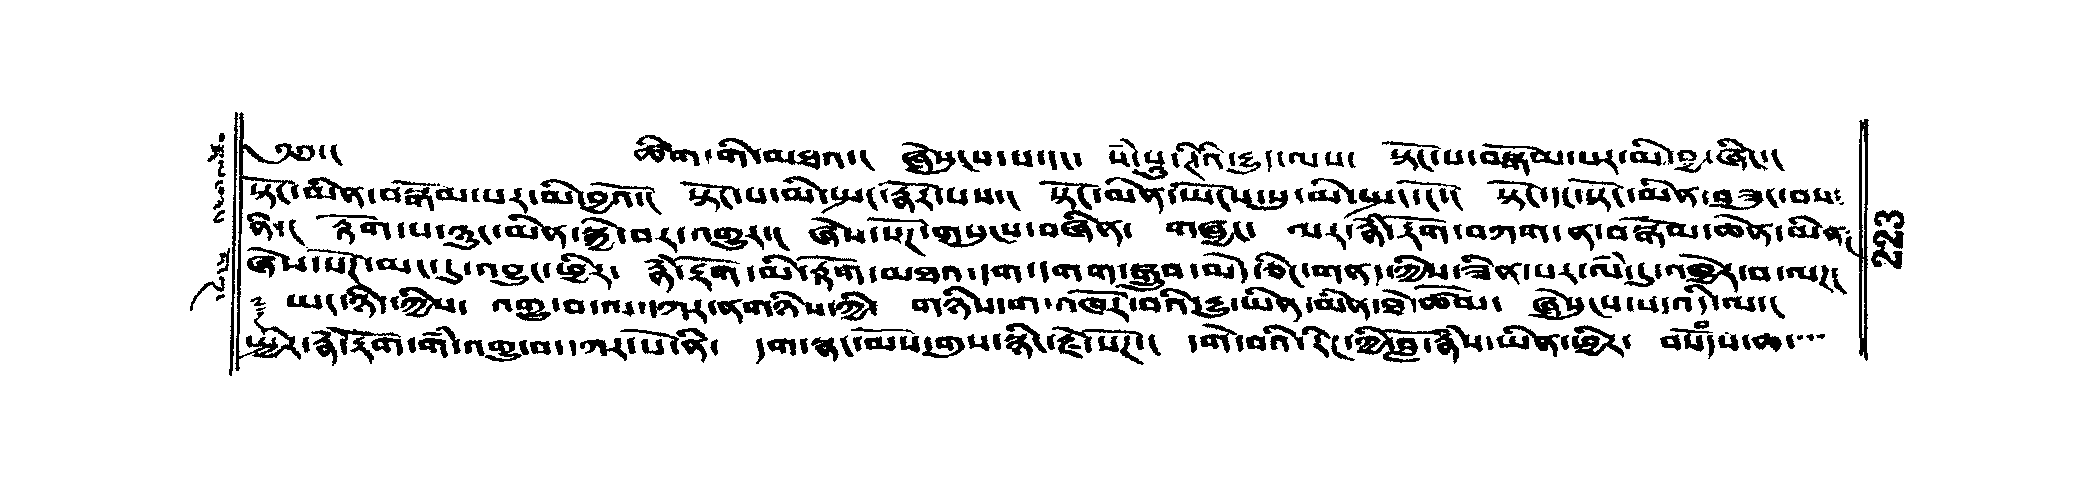ཚིག་གི་མཐའ། ཞེས་གསུངས་པ་དང་། སམ་བུ་ཊིའི་རྒྱུད་ལས། སྟོང་པ་བསྒོམ་པར་མི་བྱ་ཞིང་། །
སྟོང་མིན་བསྒོམ་པར་མི་བྱའོ། །སྟོང་པ་མི་སྤང་རྣལ་འབྱོར་པས། །སྟོང་མིན་ཡོངས་སུ་མི་སྤང་ངོ་། །སྟོང་དང་སྟོང་མིན་བཟུང་བས་
ནི། །རྟོག་པ་ཉུང་མིན་སྐྱེ་བར་འགྱུར། ཞེས་སོགས་གསུངས་པ་བཞིན། གཞན་ཡང་། ལར་རྣམ་རྟོག་བཀག་ན་བསྒོམ་ཆེན་མིན། 
ཞེས་སོགས་མང་དུ་འབྱུང་ཕྱིར། རྣམ་རྟོག་མི་རྟོག་མཐའ་དག་དགག་སྒྲུབ་མེད་ཅིང་གནད་ཀྱི་ཟིན་པར་ལམ་དུ་འཁྱེར་བ་ལགས། 
ཡང་ཉིད་ཀྱིས། འགྱུ་བ་ལ་དཀར་ནག་གཉིས་ཀྱི་གཉིས་ཀ་འཁོར་བའི་རྒྱུ་ཡིན་མིན་ཐེ་ཚོམ། ཞེས་གསུངས་པ་འདི་ལ་
སྤྱིར་རྣམ་རྟོག་གམ་འགྱུ་བ་དཀར་པོ་ནི། དག་སྣང་མོས་གུས་སྙིང་རྗེ་སོགས། དགེ་བའི་རིགས་ཀྱི་བློ་རྣམས་ཡིན་ཕྱིར། བསོད་ནམས་ཆ་